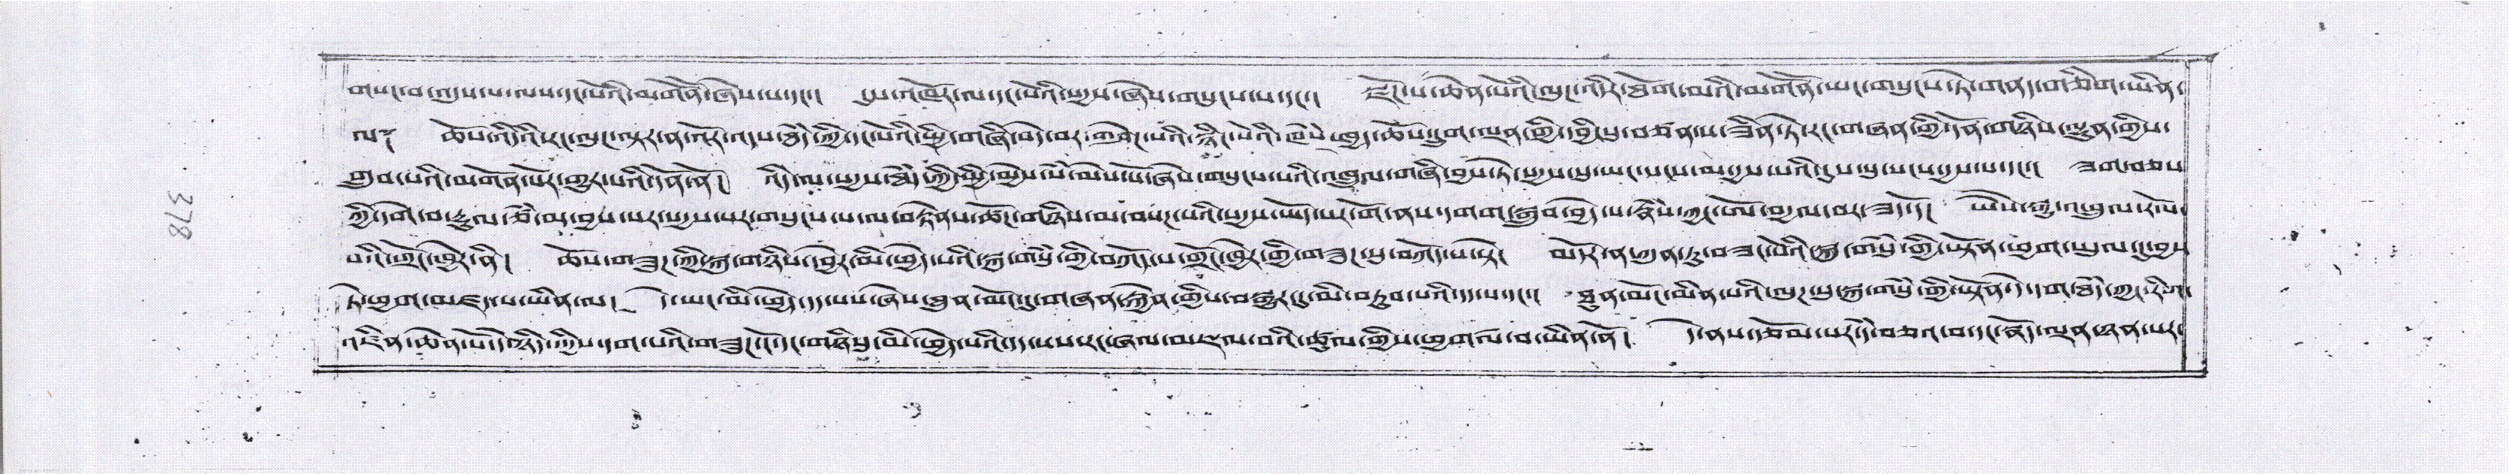གསང་བ་འདུས་པ་ལས་དང་པོའི་མགོན་པོ་ཞེས་པ་དང། དུས་འཁོར་ལ་དང་པོའི་སངས་རྒྱས་ཞེས་གསུངས་པ་དང། རྫོགས་པ་ཆེན་པོའི་ལུགས་འདིར་ཐོག་མའི་མགོན་པོ་ཡང་གསུངས་ཏེ་གནད་གཅིག་ཡིན་
ལ། ཆོས་འདིའི་རང་ལུགས་ལྟར་ན་འཁོར་འདས་ཐམས་ཅད་ཀྱི་དང་པོའི་སྤྱི་གཞི་བདེ་བར་གཤེགས་པའི་སྙིང་པོའི་ཁམས་ཁྱད་ཆོས་དྲུག་ལྡན་གྱི་དབྱིངས་སུ་བཙན་ས་ཟིན་ཏེ་རང་གཞན་གྱི་དོན་གཉིས་ལྷུན་གྱིས་
གྲུབ་པའི་མགོན་པོར་གྱུར་པའི་དོན་ནོ། འདི་ལ་སངས་རྒྱས་ཐམས་ཅད་ཀྱི་སྤྱི་མྱེས་སམ་མེས་པོ་ཞེས་གསུངས་པའི་འཁྲུལ་གཞི་བྱས་ཏེ་སངས་རྒྱས་སུ་ཡང་སངས་མ་རྒྱས་པའི་དུས་སུ་སངས་རྒྱས་པ་དང། ཟག་བཅས་
ཀྱི་དགེ་བ་རྡུལ་ཙམ་མ་བྱས་པར་སངས་རྒྱས་པར་གསུངས་པ་ལ་བརྟེན་ནས་ཚོགས་གཉིས་མ་བསགས་པའི་སངས་རྒྱས་ཡོད་པར་གོ་ནས་དགག་སྒྲུབ་བྱེད་པ་རྣམས་ཀྱང་ཨོ་བརྒྱལ་བར་ཟད་དོ། ཡེ་ཤེས་སྒྱུ་འཕྲུལ་རོལ་
བའི་གྲོང་ཁྱེར་ནི། ཆོས་གཟུགས་ཀྱི་སྐུ་གཉིས་དབྱེར་མི་ཕྱེད་པའི་སྐུ་གསུམ་གྱི་བཀོད་པ་གྲོང་ཁྱེར་གྱི་གཟུགས་སུ་བཀོད་པ་སྟེ། མདོར་ན་ཀུན་ཏུ་བཟང་པོའི་སྐུ་གསུམ་གྱི་ཡོན་ཏན་ཕྱག་ཡུལ་དུ་བྱས་
ཏེ་ཕྱག་མཛད་པ་ཡིན་ལ། དེ་ཡང་མི་ཕྱེད་དད་པས་ཞེས་ཐུན་མོང་དུ་གཞན་རྐྱེན་གྱིས་བསྒྱུར་དུ་མི་བཏུབ་པའི་དད་པ་དང། ཐུན་མོང་མིན་པའི་ལུགས་སུ་སྐུ་གསུམ་གྱི་ཡོན་ཏན་དེ་དག་ཐམས་ཅད་ཀྱང་རིག་
འཛིན་ཆེན་པོ་དེ་ཉིད་ཀྱིས་དག་པའི་གཟུགས་ངོ་དང་གཉིས་སུ་མི་ཕྱེད་པའི་དད་པས་རང་ཞལ་མཇལ་བའི་ཚུལ་གྱིས་ཕྱག་འཚལ་བ་ཡིན་ནོ། དེ་ནས་རྩོམ་པར་དམ་བཅའ་བ་དང་སྣོད་ལྡན་ཉན་པར་